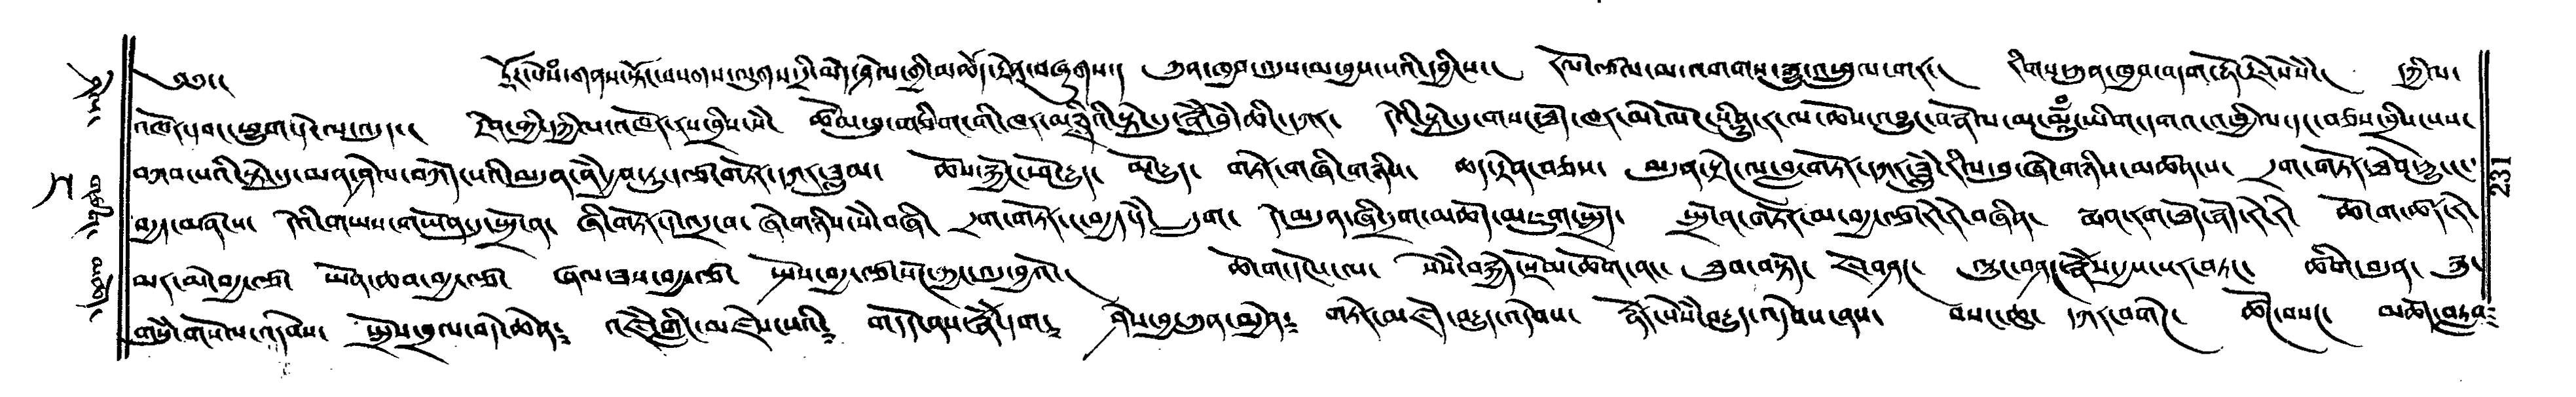༄༅། རྡོར་སེམས་གནས་སྟོང་གསོགས་ལུགས་དྲི་མེད་ཤེལ་གྱི་མཆོད་རྟེན་བཞུགས་སོ། ཀུན་ཁྱབ་འདུས་མ་བྱས་པའི་དབྱིངས། །རོལ་རྩལ་མ་འགགས་སྒྱུ་འཕྲུལ་གར། །རིགས་ཀུན་ཁྱབ་བདག་རྡོ་རྗེ་སེམས། །དཀྱིལ་
འཁོར་དབང་ཕྱུག་དེ་ལ་འདུད། རྟེན་གྱི་དཀྱིལ་འཁོར་རས་བྲིས་སམ། ཚོམ་བུ་གཅིག་གི་ཁར་མཉྫིའི་སྟེང་དུ་རྣམ་བུམ་མགུལ་ཆིངས་དཀར་པོ་ཅན། དེའི་སྟེང་དུ་གསང་ཐོད་ཁར་མེ་ལོང་ལ་སིནྡྷུ་ར་ས་ཆོས་འབྱུང་བསྣོལ་མ་མཱུྃ་ཡིག་དགའ་འཁྱིལ་དང་བཅས་པ་བྲིས་པས་
བཀབ་པའི་སྟེང་དུ་མན་ཤེལ་བཀོད་པའི་མདུན་ནམ་རྒྱབ་ཏུ་རྩ་གཏོར་དཀར་ཟླུམ། ཆོས་སྐྱོང་ཕོ་རྒྱུད། མོ་རྒྱུད། གཏེར་གཞི་གཉིས། ཆད་བརྟན་བཅས། མདུན་སྟེགས་ལ་བླ་གཏོར་དཀར་ཟླུམ་རིལ་བུ་ཞེ་གཉིས་ཀྱིས་མཚན་པ། དྲག་གཏོར་མཐེབ་སྐྱུ་ང་
བརྒྱད་ཀྱིས་མཚན་པ། དེའི་གཡས་གཡོན་དུ་སྤྲོ་ན་ཞི་གཏོར་དེ་འདྲ་བ་ཞེ་གཉིས་སམ་བཞི། དྲག་གཏོར་ང་བརྒྱད་དམ་དྲུག དེ་མདུན་ཞི་དྲག་མཆོད་པ་མཇུག་སྤྲོད། སྤྲོ་ན་གཏོར་མ་བརྒྱ་རྩ་རེ་རེ་བཞིན། སྨན་རཀ་ཐོད་སྣོད་རེ་རེ། ཆོ་ག་ཚར་རེ། 
མར་མེ་བརྒྱ་རྩ། ཡོན་ཆབ་བརྒྱ་རྩ། ཞལ་ཟས་བརྒྱ་རྩ། སྤོས་བརྒྱ་རྩ་སོགས་ཀྱང་འདུ་བྱའོ། ཆོ་ག་དངོས་ལ། སེམས་བསྐྱེད་སྡོམ་ཆོག་ནང་་གི་ཐུབ་བསྟོད། ཇོ་བཤགས། ལྟུང་བཤགས་རྣམས་རྒྱས་པར་གཏང་། ཚིག་བདུན། སྐུ་
གསུམ་གསོལ་འདེབས། སྤྲོས་བྲལ་བདེ་ཆེན༴ འཛམ་གླིང་མཛེས་པའི༴ གདོད་ནས་རྣམ་དག༴ ཤེས་བྱ་ཀུན་མཁྱེན༴ གཏེར་མཛོད་རྒྱུད་འདེབས་ནས། བསང་ཆུ། དཀར་བགེགས། ཚོགས་བསགས། མཆོད་རླབས་